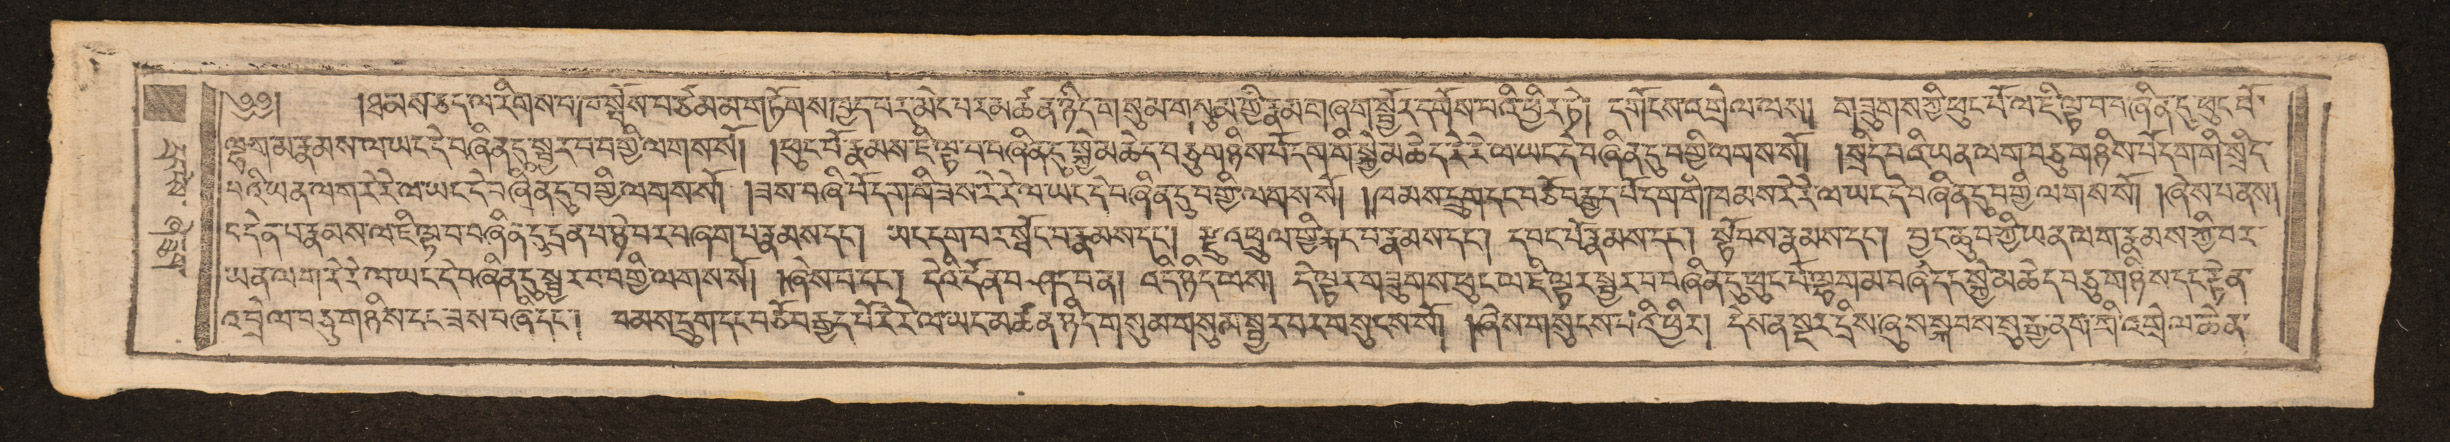༄༅། །ཐམས་ཅད་ལ་རིགས་པ་ཁ་སྤོས་པ་ཙམ་མ་གཏོགས་ཁྱད་པར་མེད་པར་མཚན་ཉིད་གསུམ་གསུམ་གྱི་རྣམ་གཞག་སྦྱོར་དགོས་པའི་ཕྱིར་ཏེ། དགོངས་འགྲེལ་ལས། གཟུགས་ཀྱི་ཕུང་པོ་ལ་ཇི་ལྟ་བ་བཞིན་དུ་ཕུང་པོ་
ལྷག་མ་རྣམས་ལ་ཡང་དེ་བཞིན་དུ་སྦྱར་བ་བགྱི་ལགས་སོ། །ཕུང་པོ་རྣམས་ཇི་ལྟ་བ་བཞིན་དུ་སྐྱེ་མཆེད་བཅུ་གཉིས་པོ་དག་གི་སྐྱེ་མཆེད་རེ་རེ་ལ་ཡང་དེ་བཞིན་དུ་བགྱི་ལགས་སོ། །སྲིད་པའི་ཡན་ལག་བཅུ་གཉིས་པོ་དག་གི་སྲིད་
པའི་ཡན་ལག་རེ་རེ་ལ་ཡང་དེ་བཞིན་དུ་བགྱི་ལགས་སོ། །ཟས་བཞི་བོ་དག་གི་ཟས་རེ་རེ་ལ་ཡང་དེ་བཞིན་དུ་བགྱི་ལགས་སོ། །ཁམས་དྲུག་དང་བཅོ་བརྒྱད་པོ་དག་གི་ཁམས་རེ་རེ་ལ་ཡང་དེ་བཞིན་དུ་བགྱི་ལགས་སོ། །ཞེས་པ་ནས།
བདེན་པ་རྣམས་ལ་ཇི་ལྟ་བ་བཞིན་དུ་དྲན་པ་ཉེ་བར་བཞག་པ་རྣམས་དང་། ཡང་དག་པར་སྤོང་བ་རྣམས་དང་། རྫུ་འཕྲུལ་གྱི་རྐང་པ་རྣམས་དང་། དབང་པོ་རྣམས་དང་། སྟོབས་རྣམས་དང་། བྱང་ཆུབ་ཀྱི་ཡན་ལག་རྣམས་ཀྱི་བར་
ཡན་ལག་རེ་རེ་ལ་ཡང་དེ་བཞིན་དུ་སྦྱར་བ་བགྱི་ལགས་སོ། །ཞེས་པ་དང་། དེའི་དོན་བཤད་པ་ན། འདི་ཉིད་ལས། དེ་ལྟར་གཟུགས་ཕུང་ལ་ཇི་ལྟར་སྦྱར་བ་བཞིན་དུ་ཕུང་པོ་ལྷག་མ་བཞི་དང་སྐྱེ་མཆེད་བཅུ་གཉིས་དང་རྟེན་
འབྲེལ་བཅུ་གཉིས་དང་ཟས་བཞི་དང་། ཁམས་དྲུག་དང་བཅོ་བརྒྱད་པོ་རེ་རེ་ལ་ཡང་མཚན་ཉིད་གསུམ་གསུམ་སྦྱར་བར་གསུངས་སོ། །ཞེས་གསུངས་པའི་ཕྱིར། དེས་ན་སྔར་དྲིས་ཞུས་སྐབས་སུ་རྒྱ་ནག་གི་འགྲེལ་ཆེན་